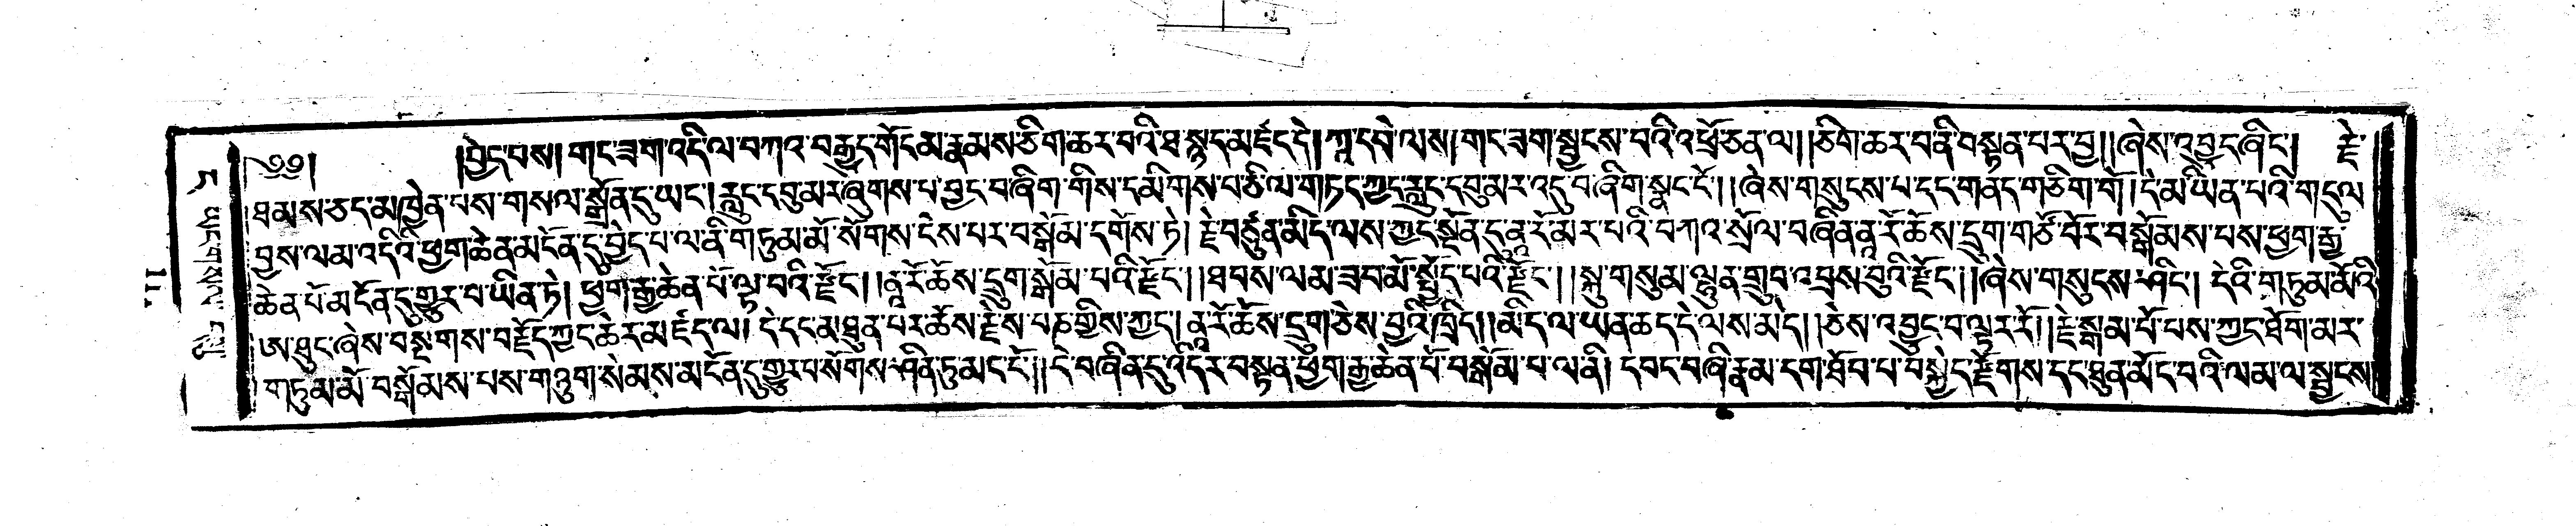༄༅། །བྱེད་པས། གང་ཟག་འདི་ལ་བཀའ་བརྒྱུད་གོང་མ་རྣམས་ཅིག་ཆར་བའི་ཐ་སྙད་མཛད་དེ། ཀཱ་དཔེ་ལས། གང་ཟག་སྦྱངས་པའི་འཕྲོ་ཅན་ལ། །ཅིག་ཆར་པ་ནི་བསྟན་པར་བྱ། །ཞེས་འབྱུང་ཞིང་། རྗེ་
ཐམས་ཅད་མཁྱེན་པས་གསལ་སྒྲོན་དུ་ཡང་། རླུང་དབུ་མར་ཞུགས་པ་བྱང་བ་ཞིག་གིས་དམིགས་པ་ཅི་ལ་གཏད་ཀྱང་རླུང་དབུ་མར་འདུ་བ་ཞིག་སྣང་ངོ། །ཞེས་གསུངས་པ་དང་གནད་གཅིག་གོ །དེ་མ་ཡིན་པའི་གདུལ་
བྱས་ལམ་འདིའི་ཕྱག་ཆེན་མངོན་དུ་བྱེད་པ་ལ་ནི་གཏུམ་མོ་སོགས་ངེས་པར་བསྒོམ་དགོས་ཏེ། རྗེ་བཙུན་མིད་ལས་ཀྱང་སྔོན་དུ་ནཱ་རོ་མར་པའི་བཀའ་སྲོལ་བཞིན་ནཱ་རོ་ཆོས་དྲུག་གཙོ་བོར་བསྒོམས་པས་ཕྱག་རྒྱ་
ཆེན་པོ་མངོན་དུ་གྱུར་པ་ཡིན་ཏེ། ཕྱག་རྒྱ་ཆེན་པོ་ལྟ་བའི་རྫོང་། །ནཱ་རོ་ཆོས་དྲུག་སྒོམ་པའི་རྫོང་། །ཐབས་ལམ་ཟབ་མོ་སྤྱོད་པའི་རྫོང་། །སྐུ་གསུམ་ལྷུན་གྲུབ་འབྲས་བུའི་རྫོང་། །ཞེས་གསུངས་ཤིང་། དའི་གཏུམ་མོའི་
ཨ་ཐུང་ཞེས་བསྔགས་བརྗོད་ཀྱང་ཆེར་མཛད་ལ། དེ་དང་མཐུན་པར་ཆོས་རྗེ་ས་པཎ་གྱིས་ཀྱང་། ནཱ་རོ་ཆོས་དྲུག་ཅེས་བྱའི་ཁྲིད། །མིད་ལ་ཡན་ཆད་དེ་ལས་མེད། །ཅེས་འབྱུང་བ་ལྟར་རོ། །རྗེ་སྒམ་པོ་པས་ཀྱང་ཐོག་མར་
གཏུམ་མོ་བསྒོམས་པས་གཉུག་སེམས་མངོན་དུ་གྱུར་པ་སོགས་ཤིན་ཏུ་མང་ངོ། །དེ་བཞིན་དུ་འདིར་བསྟན་ཕྱག་རྒྱ་ཆེན་པོ་བསྒོམ་པ་ལ་ནི། དབང་བཞི་རྣམ་དག་ཐོབ་པ་བསྐྱེད་རྫོགས་དང་ཐུན་མོང་བའི་ལམ་ལ་སྦྱངས་